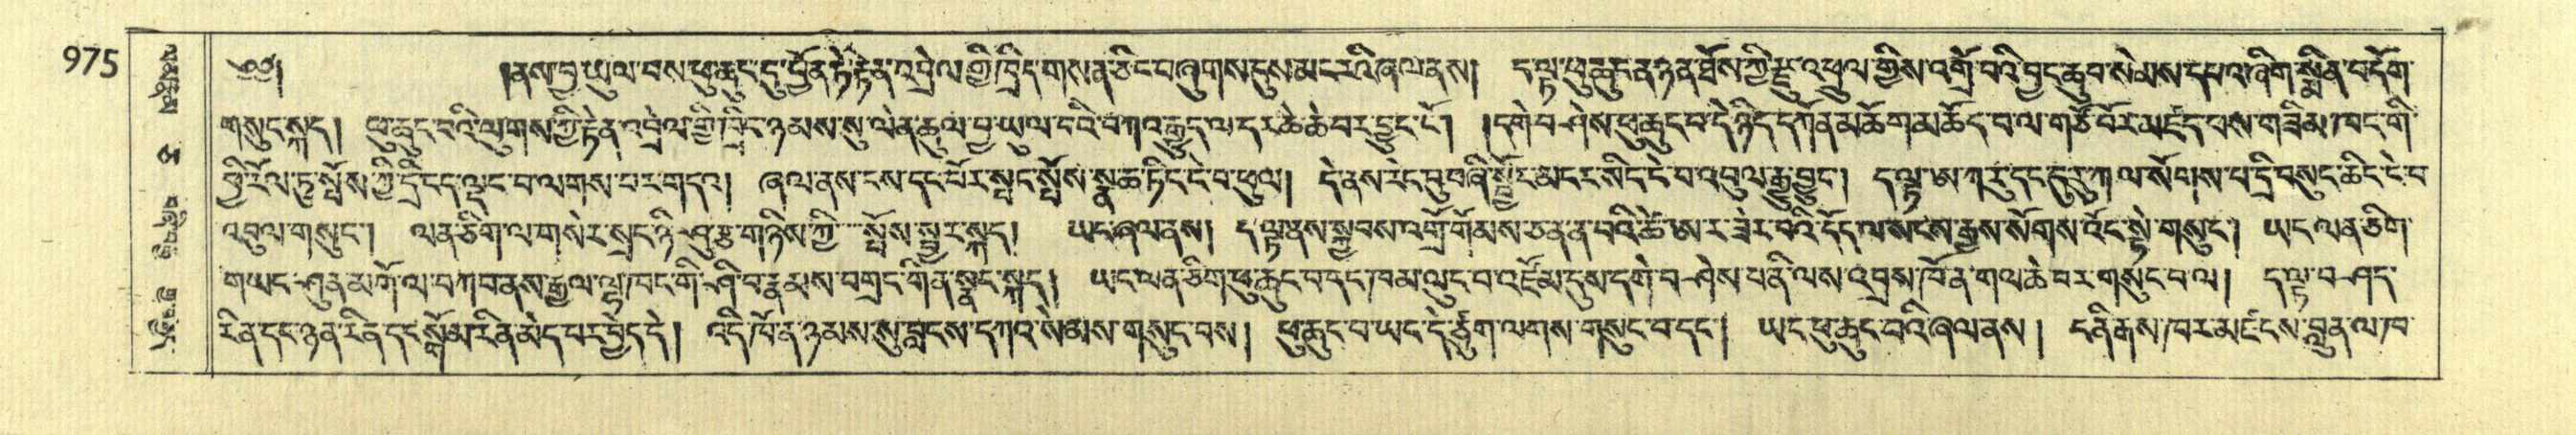༄༅། །ནས་བྱ་ཡུལ་བས་ཕུ་ཆུང་དུ་བྱོན་ཏེ་རྟེན་འབྲེལ་གྱི་ཁྲིད་གསན་ཅིང་བཞུགས་དུས་མང་རའི་ཞལ་ནས། ད་ལྟ་ཕུ་ཆུང་ན་ཉན་ཐོས་ཀྱི་རྫུ་འཕྲུལ་གྱིས་འགྲོ་བའི་བྱང་ཆུབ་སེམས་དཔའ་ཞིག་སྨིན་བདོག་
གསུང་སྐད། ཕུ་ཆུང་བའི་ལུགས་ཀྱི་རྟེན་འབྲེལ་གྱི་ཁྲིད་ཉམས་སུ་ལེན་ཆུལ་བྱ་ཡུལ་བའི་བཀའ་རྒྱུད་ལ་དར་ཆེ་ཆེ་བར་བྱུང་ངོ། །དགེ་བཤེས་ཕུ་ཆུང་བ་དེ་ཉིད་དཀོན་མཆོག་མཆོད་བ་ལ་གཙོ་བོར་མཛད་པས་གཟིམ་ཁང་གི་
ཕྱི་རོལ་ཏུ་སྦོས་ཀྱི་དྲི་ངད་ལྡང་བ་ལགས་པར་གདའ། ཞལ་ནས་ངས་དང་པོར་སྤང་སྤོས་སྣ་ཆ་ཏིང་ངེ་བ་ཕུལ། དེ་ནས་རེང་བུ་བཞི་སྦྱོར་མངར་སིད་དེ་བ་འབུལ་རྒྱུ་བྱུང་། ད་ལྟ་ཨ་ཀ་རུ་དང་དུ་རུ་ཀ་ལ་སོགས་པ་དྲི་བསུང་ཆིང་ངེ་བ་
འབུལ་གསུང་། ལན་ཅིག་ལ་གསེར་སྲང་ཉི་ཤུ་རྩ་གཉིས་ཀྱི་སྤོས་སྦྱར་སྐད། ཡང་ཞལ་ནས། ད་ལྟ་ནས་སྐྱབས་འགྲོ་གོམས་ཅན་ན་བའི་ཚེ་ཨ་ར་ཟེར་བའི་དོད་ལ་སངས་རྒྱས་སོགས་འོང་སྟེ་གསུང་། ཡང་ལན་ཅིག་
གཡང་ཤུན་མགོ་ལ་བཀབ་ནས་རྒྱལ་ལྷ་ཁང་གི་ཤི་བ་རྣམས་བགྲང་གིན་སྣང་སྐད། ཡང་ལན་ཅིག་ཕུ་ཆུང་བ་དང་ཁམ་ལུང་བ་འཛོམ་དུས་དགེ་བཤེས་པ་ནི་ལས་འབྲས་ཁོ་ན་གལ་ཆེ་བར་གསུང་བ་ལ། ད་ལྟ་བཤད་
རིན་དང་ཉན་རིན་དང་སྒོམ་རིན་མེད་པར་བྱེད་དེ། འདི་ཁོ་ན་ཉམས་སུ་བླངས་དཀའ་སེམས་གསུང་བས། ཕུ་ཆུང་བ་ཡང་དེ་ཙུག་ལགས་གསུང་བ་དང་། ཡང་ཕུ་ཆུང་བའི་ཞལ་ནས། ང་ནི་རྒས་ཁར་མཛངས་བླུན་ལ་ཁ་